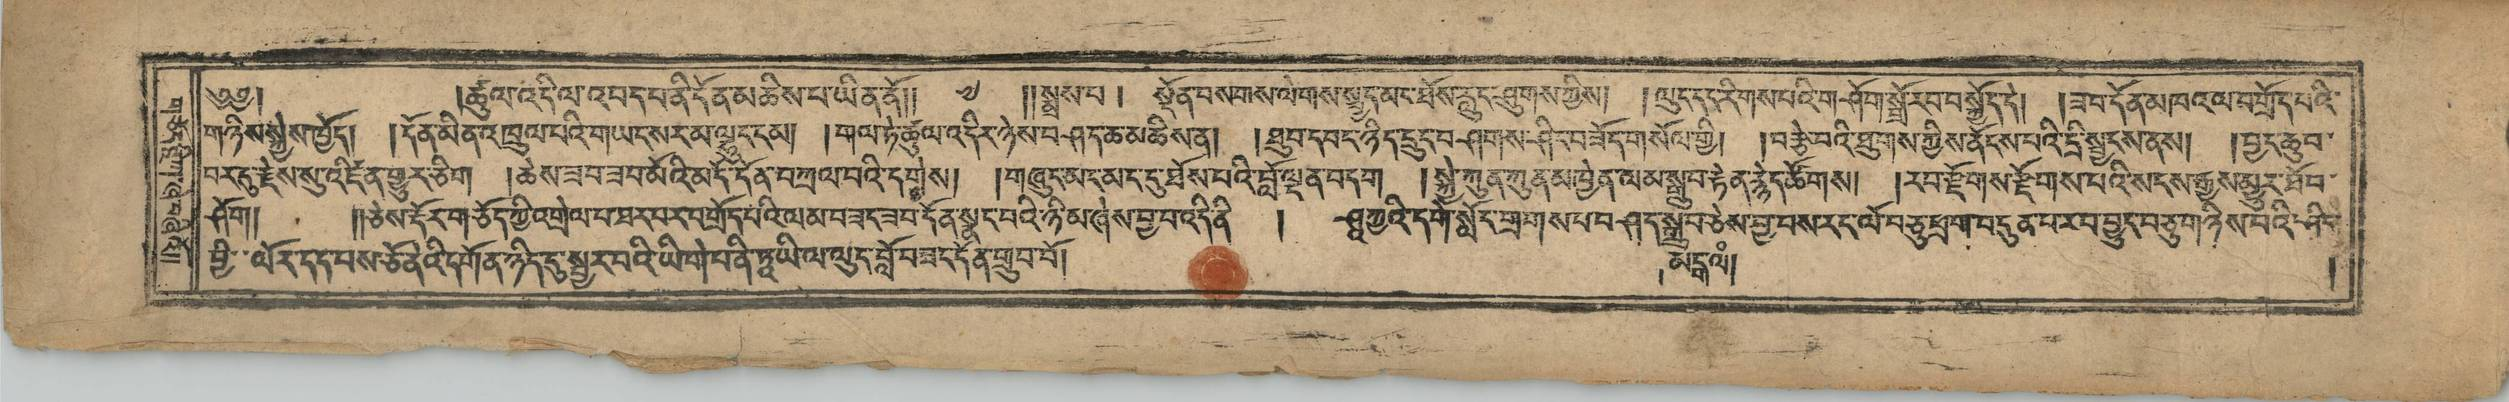༄༅། །ཚུལ་འདི་ལ་འབད་པ་ནི་དོན་མཆིས་པ་ཡིན་ནོ།། ༈ །།སྨྲས་པ། སྔོན་བསགས་ལེགས་སྤྱད་མང་ཐོས་རླུང་ཤུགས་ཀྱིས། །ལུང་དང་རིགས་པའི་གཤོག་སྒྲོ་རབ་བསྐྱོད་དེ། །ཟབ་དོན་མཁའ་ལ་བགྲོད་པའི་
གཉིས་སྐྱེས་ཁྱོད། །དོན་མིན་འཁྲུལ་པའི་གཡང་སར་མ་ལྷུང་ངམ། །གལ་ཏེ་ཚུལ་འདིར་ཉེས་བཤད་ཆ་མཆིས་ན། །ཐུབ་དབང་ཉིད་དྲུང་བཤགས་ཤིང་བཟོད་གསོལ་གྱི། །བརྩེ་བའི་ཐུགས་ཀྱིས་ནོངས་པའི་དྲི་སྦྱངས་ནས། །བྱང་ཆུབ་
བར་དུ་རྗེས་སུ་འཛིན་གྱུར་ཅིག །ཆེས་ཟབ་ཟབ་མོའི་མདོ་དོན་བཀྲལ་བའི་དགེས། །གཞུང་མང་མང་དུ་ཐོས་པའི་བློ་ལྡན་བདག །སྐྱེ་ཀུན་ཀུན་མཁྱེན་ལམ་སྒྲུབ་རྟེན་རྙེད་ཚོགས། །རབ་རྫོགས་རྫོགས་པའི་སངས་རྒྱས་མྱུར་ཐོབ་
ཤོག ། །།ཅེས་རྡོར་གཅོད་ཀྱི་འགྲེལ་པ་ཐར་པར་བགྲོད་པའི་ལམ་བཟང་ཟབ་དོན་སྣང་བའི་ཉི་མ་ཞེས་བྱ་བ་འདི་ནི། ཤཱཀྱའི་དགེ་སློང་གྲགས་པ་བཤད་སྒྲུབ་ཅེས་བྱ་བས་རང་ལོ་བཅུ་ཕྲག་བདུན་པ་རབ་བྱུང་བཅུ་གཉིས་པའི་ཤིང་
བྱི་ལོར་དད་པས་ཅོ་ནེའི་དགོན་ཉིད་དུ་སྦྱར་བའི་ཡི་གེ་པ་ནི་ཏཱ་ཡི་ལ་ལུང་བློ་བཟང་དོན་གྲུབ་བོ། །མངྒ་ལཾ།